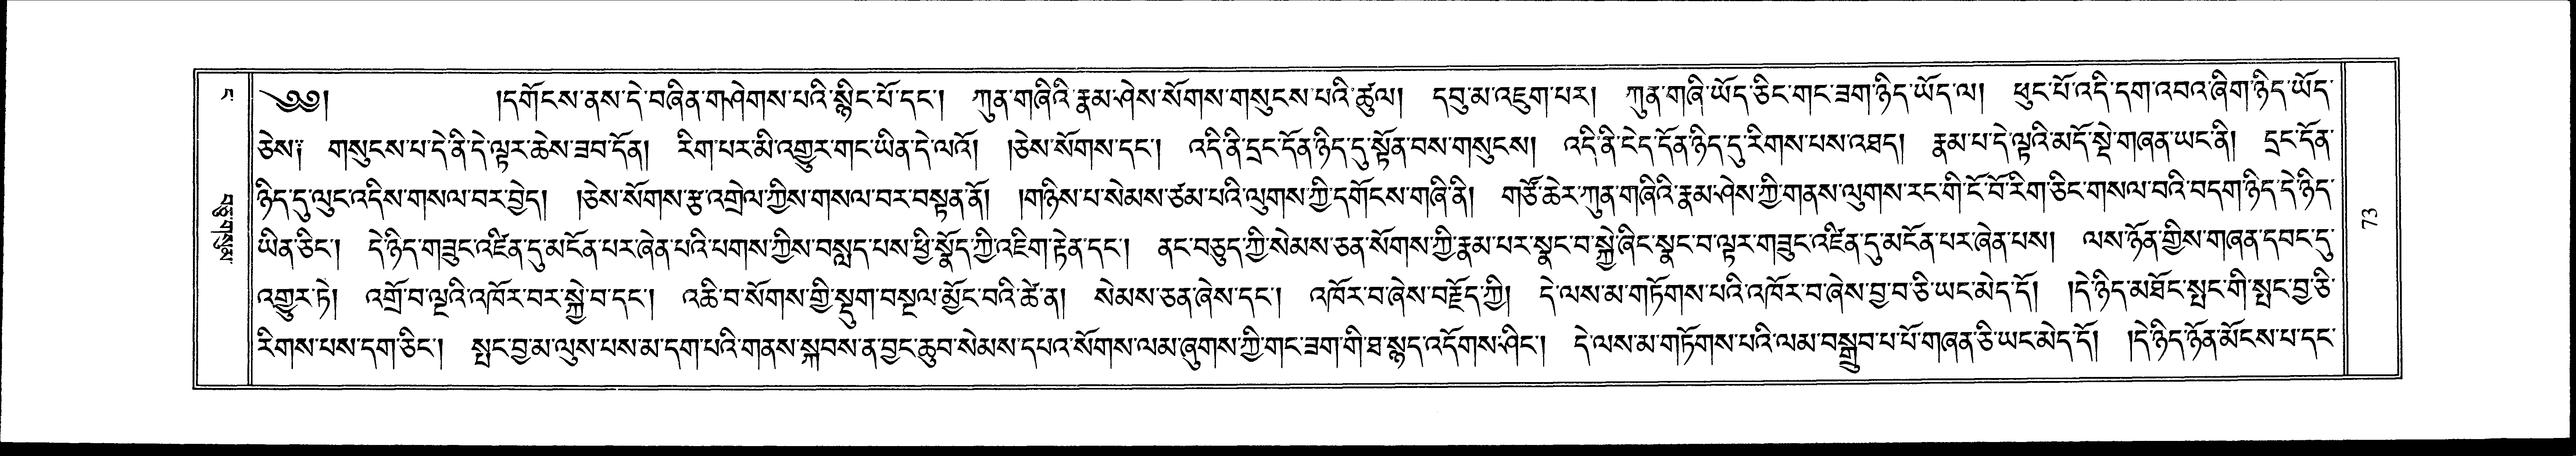༄༅། །དགོངས་ནས་དེ་བཞིན་གཤེགས་པའི་སྙིང་པོ་དང་། ཀུན་གཞིའི་རྣམ་ཤེས་སོགས་གསུངས་པའི་ཚུལ། དབུ་མ་འཇུག་པར། ཀུན་གཞི་ཡོད་ཅིང་གང་ཟག་ཉིད་ཡོད་ལ། ཕུང་པོ་འདི་དག་འབའ་ཞིག་ཉིད་ཡོད་
ཅེས། གསུངས་པ་དེ་ནི་དེ་ལྟར་ཆེས་ཟབ་དོན། རིག་པར་མི་འགྱུར་གང་ཡིན་དེ་ལའོ། །ཅེས་སོགས་དང་། འདི་ནི་དྲང་དོན་ཉིད་དུ་སྟོན་བས་གསུངས། འདི་ནི་ངེད་དོན་ཉིད་དུ་རིགས་པས་འཐད། རྣམ་པ་དེ་ལྟའི་མདོ་སྡེ་གཞན་ཡང་ནི། དྲང་དོན་
ཉིད་དུ་ལུང་འདིས་གསལ་བར་བྱེད། །ཅེས་སོགས་རྩ་འགྲེལ་ཀྱིས་གསལ་བར་བསྟན་ནོ། །གཉིས་པ་སེམས་ཙམ་པའི་ལུགས་ཀྱི་དགོངས་གཞི་ནི། གཙོ་ཆེར་ཀུན་གཞིའི་རྣམ་ཤེས་ཀྱི་གནས་ལུགས་རང་གི་ངོ་བོ་རིག་ཅིང་གསལ་བའི་བདག་ཉིད་དེ་ཉིད་
ཡིན་ཅིང་། དེ་ཉིད་གཟུང་འཛིན་དུ་མངོན་པར་ཞེན་པའི་པགས་ཀྱིས་བསླད་པས་ཕྱི་སྣོད་ཀྱི་འཇིག་རྟེན་དང་། ནང་བཅུད་ཀྱི་སེམས་ཅན་སོགས་ཀྱི་རྣམ་པར་སྣང་བ་སྐྱེ་ཞིང་སྣང་བ་ལྟར་གཟུང་འཛིན་དུ་མངོན་པར་ཞེས་པས། ལས་ཉོན་གྱིས་གཞན་དབང་དུ་
འགྱུར་ཏེ། འགྲོ་བ་ལྔའི་འཁོར་བར་སྐྱེ་བ་དང་། འཆི་བ་སོགས་ཀྱི་སྡུག་བསྔལ་མྱོང་བའི་ཚེ་ན། སེམས་ཅན་ཞེས་དང་། འཁོར་བ་ཞེས་བརྗོད་ཀྱི། དེ་ལས་མ་གཏོགས་པའི་འཁོར་བ་ཞེས་བྱ་བ་ཅི་ཡང་མེད་དོ། །དེ་ཉིད་མཐོང་སྤངས་གི་སྤངས་བྱ་ཅི་
རིགས་པས་དག་ཅིང་། སྤང་བྱ་མ་ལུས་པས་མ་དག་པའི་གནས་སྐབས་ན་བྱང་ཆུབ་སེམས་དཔའ་སོགས་ལམ་ཞུགས་ཀྱི་གང་ཟག་གི་ཐ་སྙད་འདོགས་ཤིང་། དེ་ལས་མ་གཏོགས་པའི་ལམ་བསྒྲུབ་པ་པོ་གཞན་ཅི་ཡང་མེད་དོ། །དེ་ཉིད་ཉོན་མོངས་པ་དང་